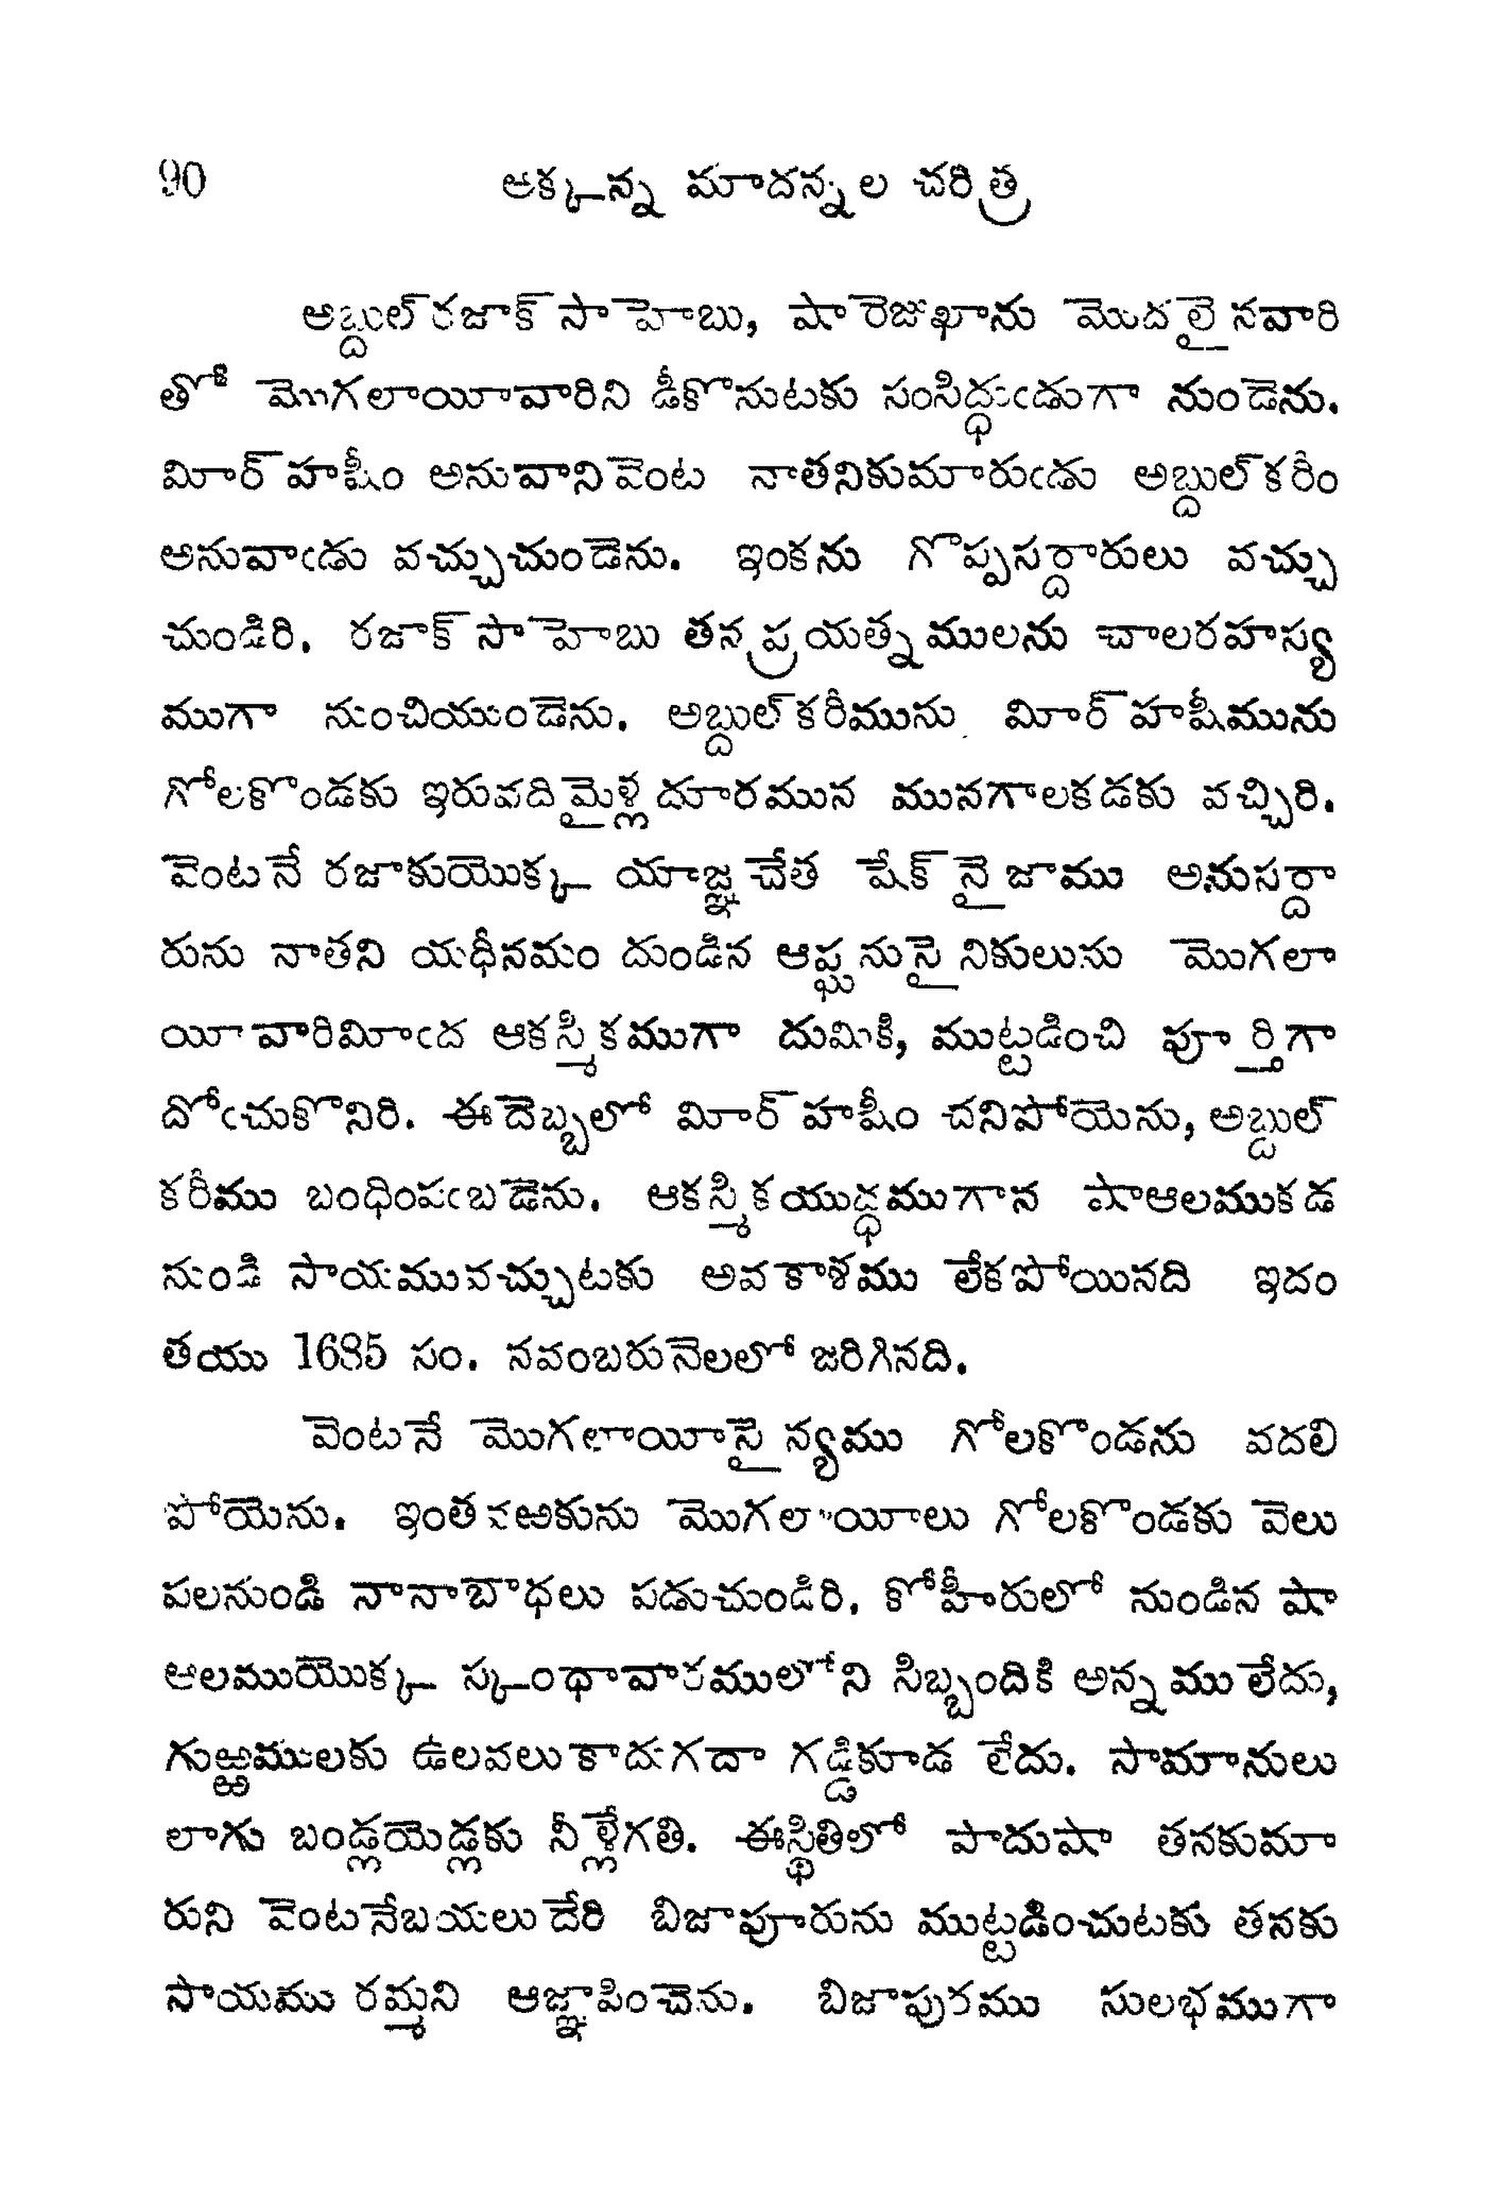అబ్దుల్‌రజాక్‌సాహెబు, షారెజుఖాను మొదలైనవారితో మొగలాయీవారిని డీకొనుటకు సంసిద్ధుఁడుగా నుండెను. మీర్‌హషీం అనువానివెంట నాతనికుమారుఁడు అబ్దుల్‌కరీం అనువాఁడు వచ్చుచుండెను. ఇంకను గొప్పసర్దారులు వచ్చుచుండిరి. రజాక్‌సాహెబు తనప్రయత్నములను చాలరహస్యముగా నుంచియుండెను. అబ్దుల్‌కరీమును మీర్‌హషీమును గోలకొండకు ఇరువదిమైళ్లదూరమున మునగాలకడకు వచ్చిరి. వెంటనే రజాకుయొక్క యాజ్ఞచేత షేక్‌నైజాము అనుసర్దారును నాతని యధీనమం దుండిన ఆప్ఘనుసైనికులును మొగలాయీవారిమీఁద ఆకస్మికముగా దుమికి, ముట్టడించి పూర్తిగా దోఁచుకొనిరి. ఈదెబ్బలో మీర్‌హషీం చనిపోయెను, అబ్దుల్ కరీము బంధింపఁబడెను. ఆకస్మికయుద్ధముగాన షాఆలముకడ నుండి సాయమువచ్చుటకు అవకాశము లేకపోయినది. ఇదంతయు 1685 సం. నవంబరునెలలో జరిగినది.

వెంటనే మొగలాయీసైన్యము గోలకొండను వదలిపోయెను. ఇంతవఱకును మొగలాయీలు గోలకొండకు వెలుపలనుండి నానాబాధలు పడుచుండిరి. కోహీరులో నుండిన షా ఆలముయొక్క స్కంధావారములోని సిబ్బందికి అన్నములేదు. గుఱ్ఱములకు ఉలవలుకాదుగదా గడ్డికూడ లేదు. సామానులు లాగు బండ్లయెడ్లకు నీళ్లేగతి. ఈస్థితిలో పాదుషా తనకుమారుని వెంటనేబయలుదేరి బిజాపూరును ముట్టడించుటకు తనకుసాయము రమ్మని ఆజ్ఞాపించెను. బిజాపురము సులభముగా